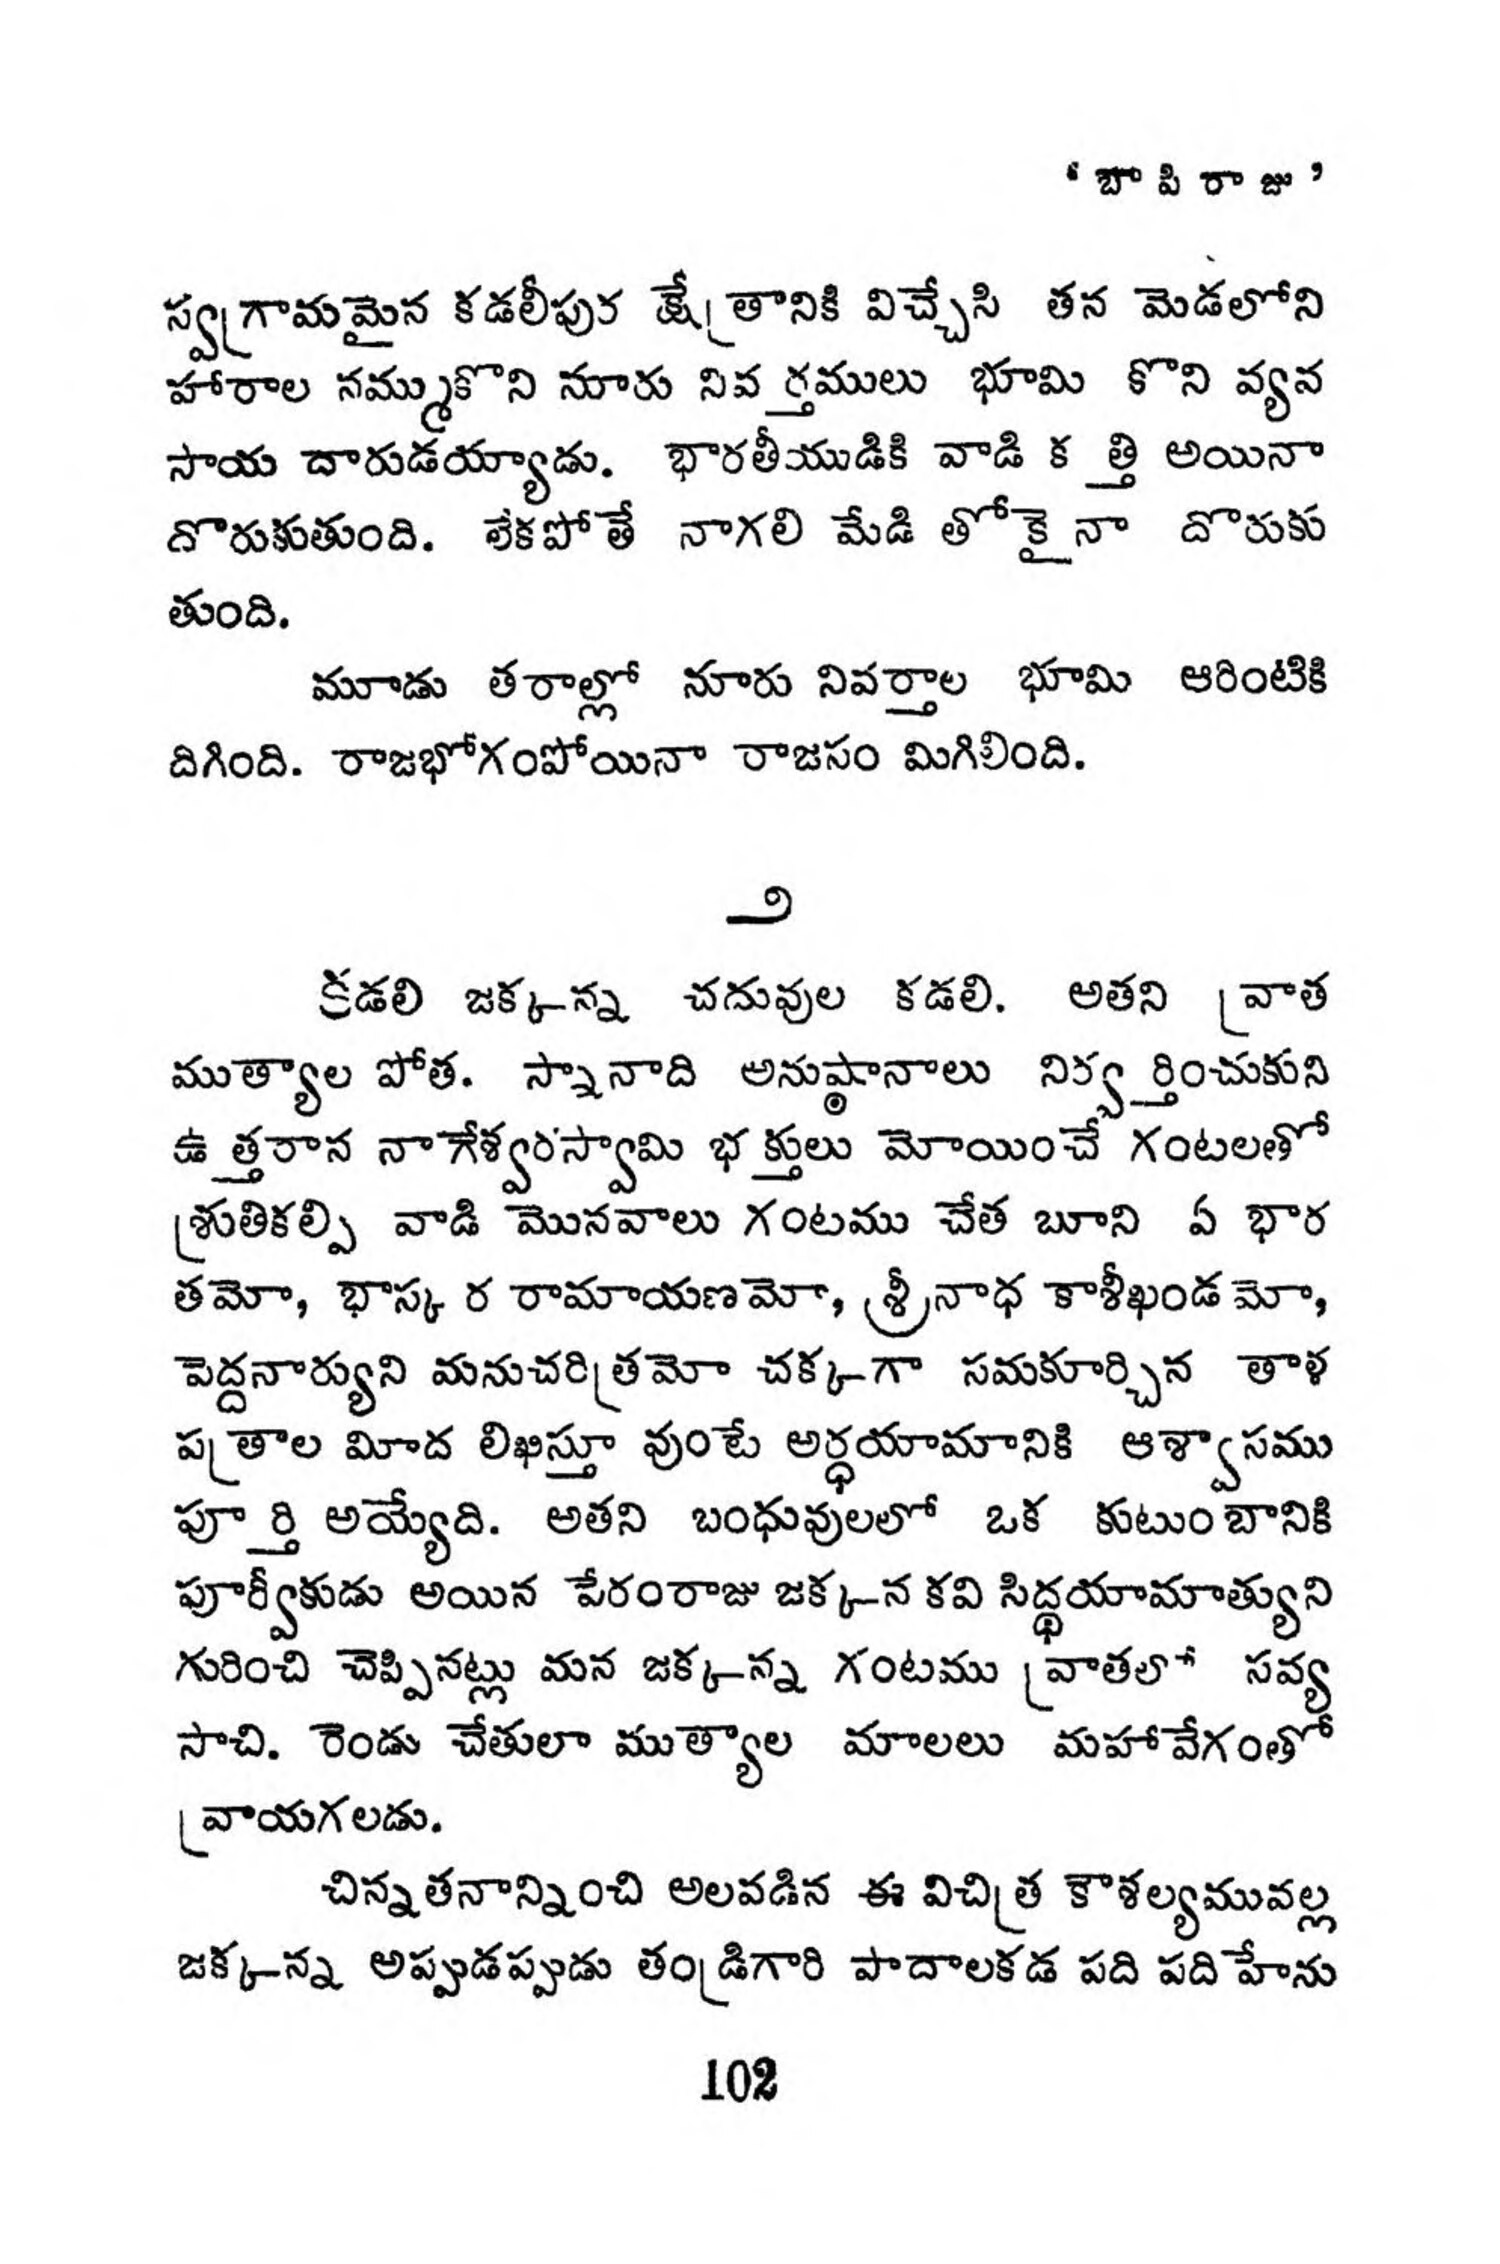స్వగ్రామమైన కడలీపుర క్షేత్రానికి విచ్చేసి తన మెడలోని హారాల నమ్ముకొని నూరు నివర్తములు భూమి కొని వ్యవసాయ దారుడయ్యాడు. భారతీయుడికి వాడి కత్తి అయినా దొరుకుతుంది. లేకపోతే నాగలి మేడి తోకైనా దొరుకుతుంది.

మూడు తరాల్లో నూరు నివర్తాల భూమి ఆరింటికి దిగింది. రాజభోగం పోయినా రాజసం మిగిలింది.

2

కడలి జక్కన్న చదువుల కడలి. అతని వ్రాత ముత్యాల పోత. స్నానాది అనుష్ఠానాలు నిర్వర్తించుకుని ఉత్తరాన నాగేశ్వరస్వామి భక్తులు మోయించే గంటలతో శ్రుతికల్పి వాడి మొనవాలు గంటము చేత బూని ఏ భారతమో, భాస్కర రామాయణమో, శ్రీనాధ కాశీఖండమో, పెద్దనార్యుని మనుచరిత్రమో చక్కగా సమకూర్చిన తాళపత్రాల మీద లిఖిస్తూ వుంటే అర్ధయామానికి ఆశ్వాసము పూర్తి అయ్యేది. అతని బంధువులలో ఒక కుటుంబానికి పూర్వీకుడు అయిన పేరంరాజు జక్కనకవి సిద్థయామాత్యుని గురించి చెప్పినట్లు మన జక్కన్న గంటము వ్రాతలో సవ్యసాచి. రెండు చేతులా ముత్యాల మాలలు మహావేగంతో వ్రాయగలడు.

చిన్నతనాన్నించి అలవడిన ఈ విచిత్ర కౌశల్యమువల్ల జక్కన్న అప్పుడప్పుడు తండ్రిగారి పాదాలకడ పది పదిహేను